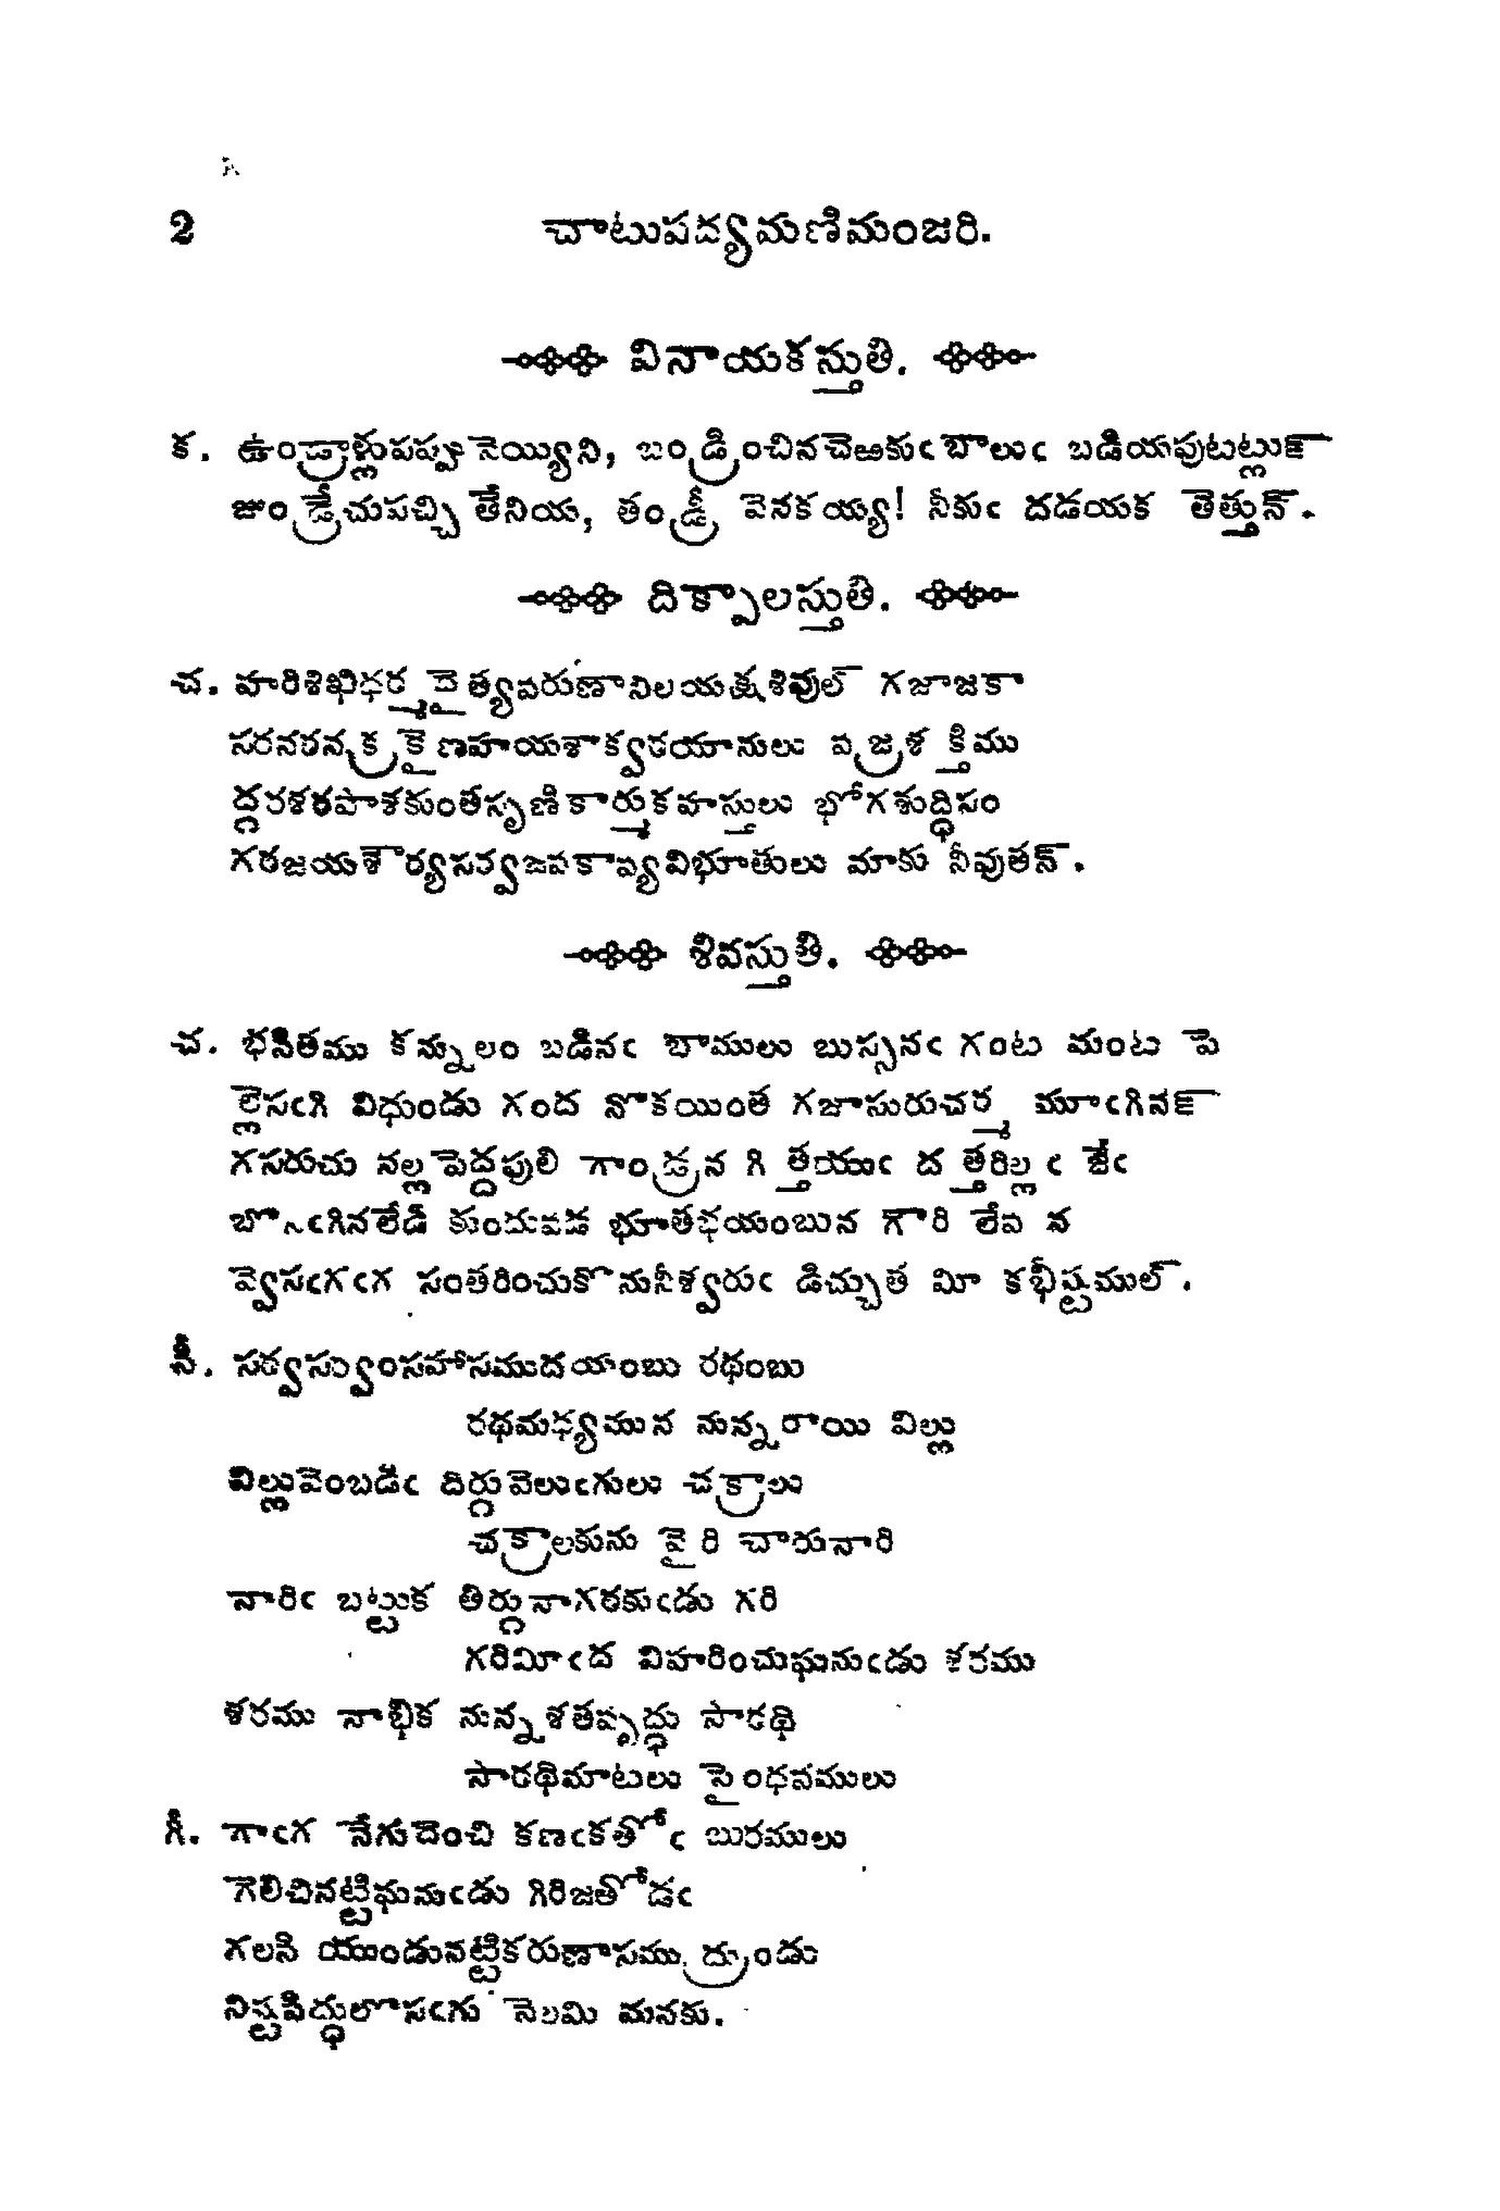క. ఉండ్రాళ్ళు పప్పునెయ్యిని,
 బండ్రించిన చెఱుకుఁబాలుఁ బడితపుటట్లున్
 జుండ్రేచుపచ్చితేనియ
 తండ్రీ వెనకయ్య! నీకుఁ దడయక తెత్తున్.

చ. హరిశిఖి ధర్మదైత్యవరుణానిలయక్షశివుల్ గజాజకా
 సరనరనక్రకైణహయశాక్వరయానులు వజ్రశక్తిము
 ద్గరశరపాశకుంతసృణికార్ముకహస్తులు భోగశుద్ధిసం
 గరజయశౌర్య సర్వజవకావ్యవిభూతులు మాకు నీవుతన్.

చ. భసితము కన్నులం బడినఁ బాములు బుస్సనఁ గంట మంట పె
 ల్లెసఁగి విధుండు గంద నొకయింత గజాసురుచర్మ మూఁగినన్
 గసరుచు నల్లపెద్దపులి గాండ్రన గిత్తయుఁ దత్తరిల్లఁ జేఁ
 బొసఁగినలేడి కుందువడ భూతభయంబున గౌరి లేవ న
 వ్వెసఁగఁగ సంతరించుకొను నీశ్వరుఁ డిచ్చుత మీ కభీష్టముల్.
సీ. సర్వసర్వంసహాసముదయంబు రథంబు
 రథమధ్యమున నున్నరాయి విల్లు
 విల్లువెంబడిఁ దిర్గువెలుఁగులు చక్రాలు
 చక్రాలకును వైరి చారునారి
 నారిఁ బట్టుక తిర్గునాగరకుఁడు శరము
 గరిమీఁద విహరించుఘనుఁడు శరము
 శరము నాభిక నున్న శతవృద్ధు సారథి
 సారథిమాటలు సైంధవములు
ఆ. గాఁగ నేగుదెంచి కణఁకతోఁ బురములు
 గెలిచినట్టి ఘనుఁడు గిరిజతోడఁ
 గలసి యుండునట్టి కరుణాసముద్రుండు
 నిష్టసిద్ధు లొసఁగు నెలమి మనకు.